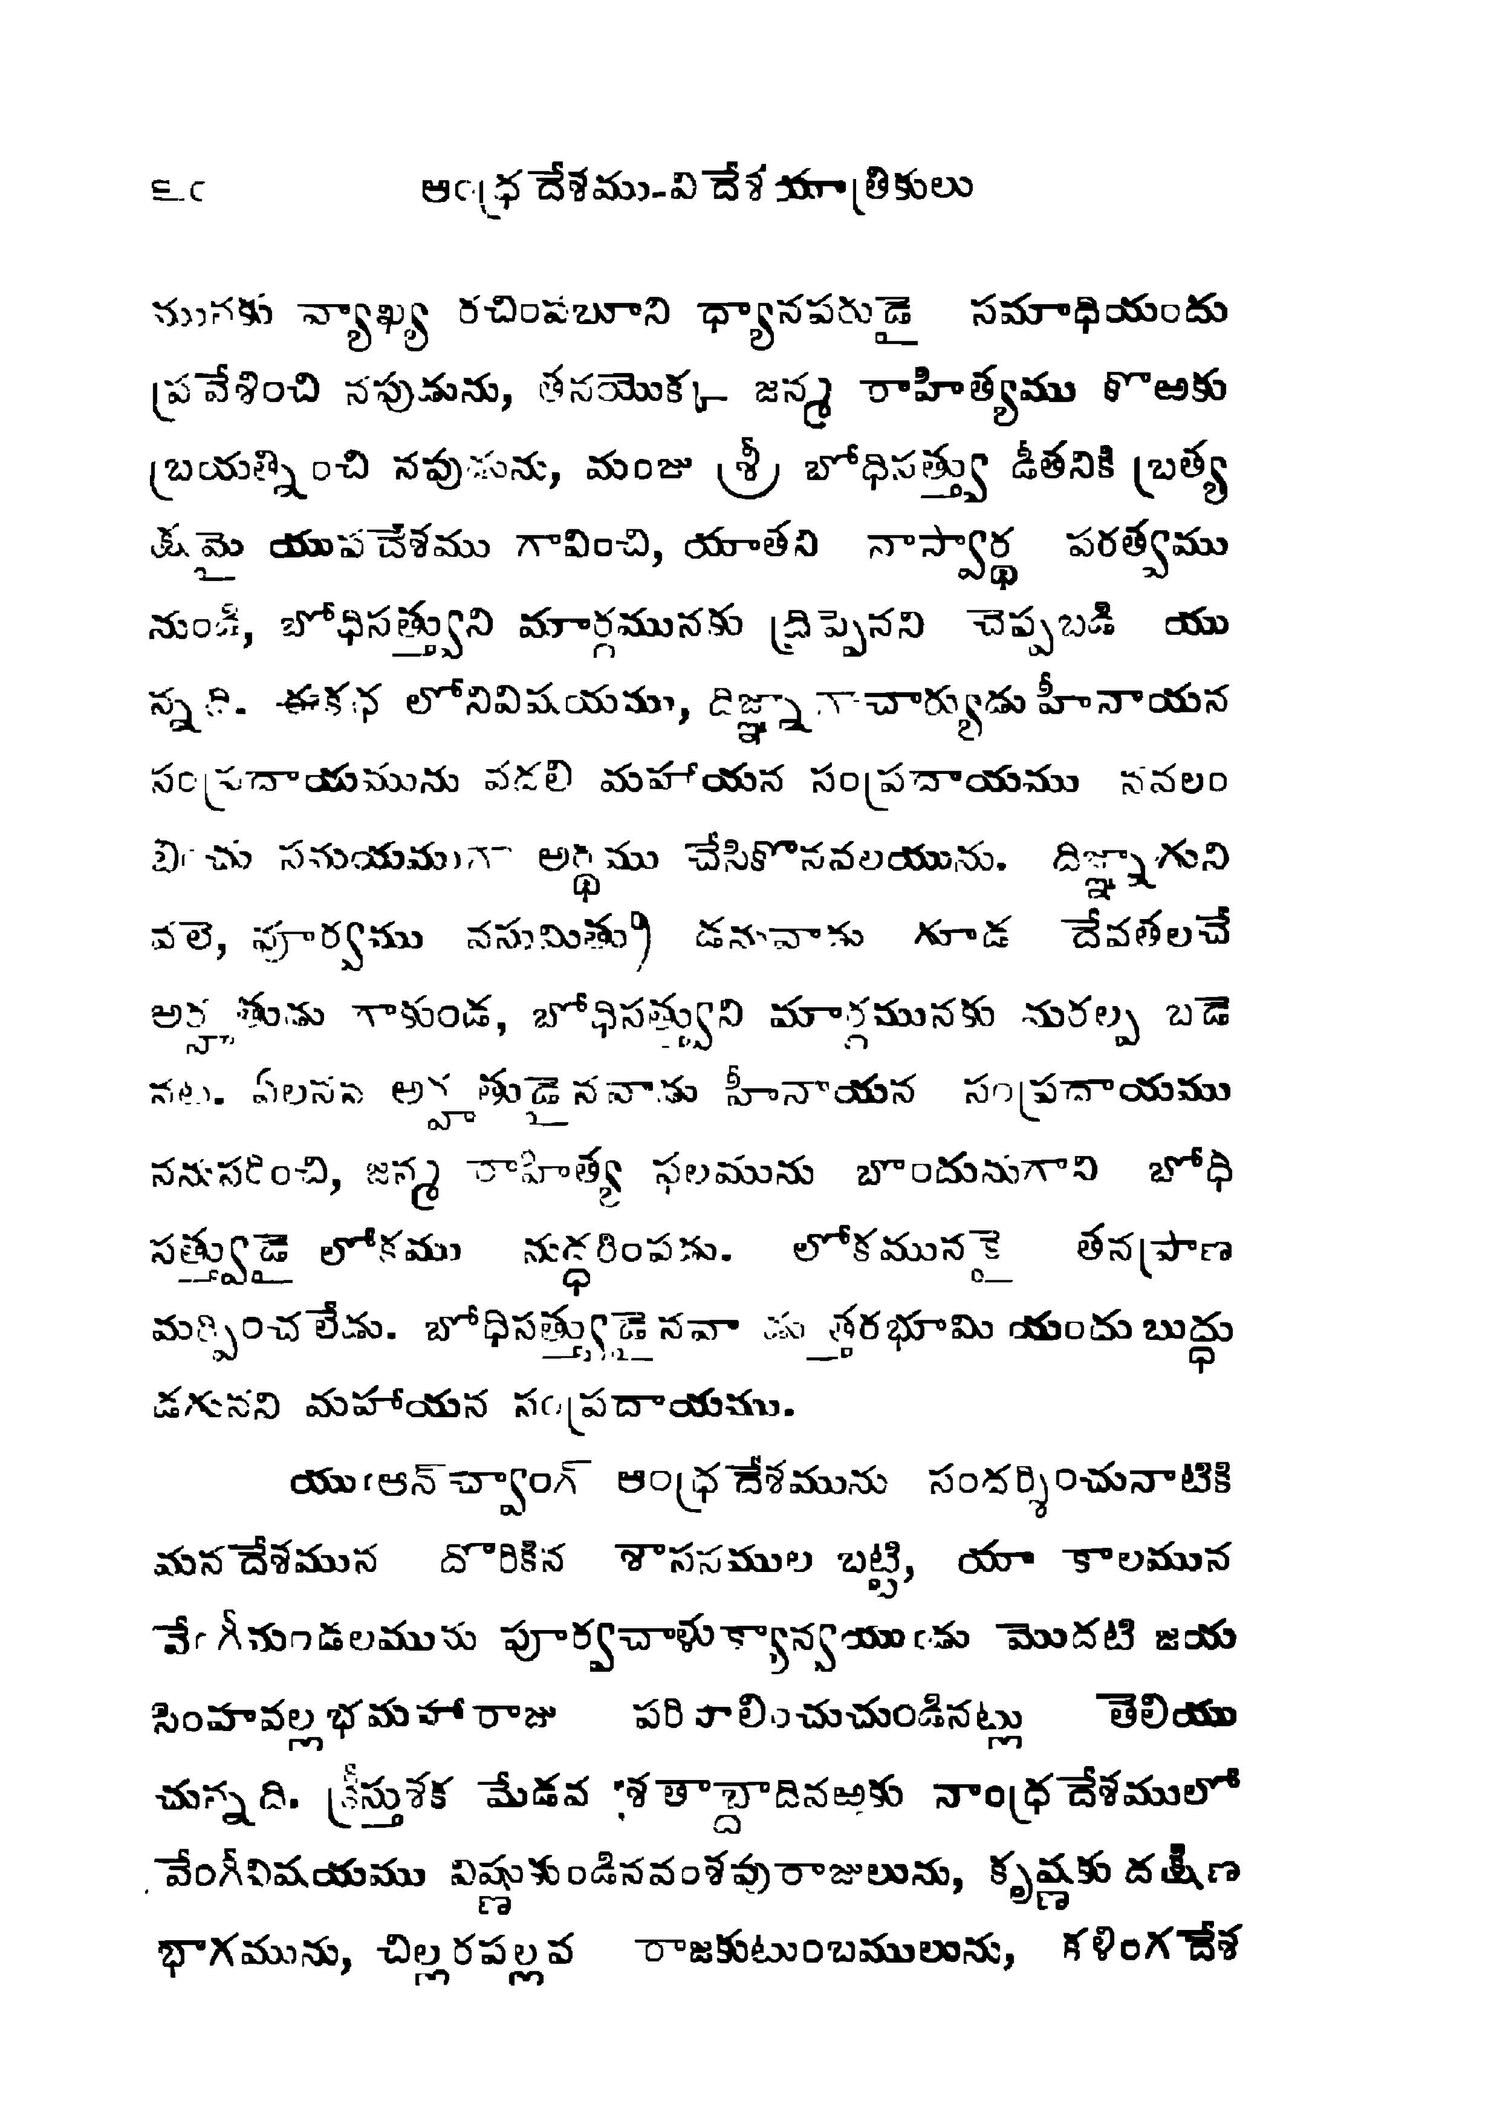మునకు వ్యాఖ్య రచింపబూని ధ్యానపరుడై సమాధియందు ప్రవేశించి నపుడును, తనయొక్క జన్మ రాహిత్యము కొఱకు బ్రయత్నించి నపుడును, మంజు శ్రీ బోధిసత్త్వు డీతనికి బ్రత్యక్షమై యుపదేశము గావించి, యాతని నాస్వార్థ పరత్వమునుండి, బోధిసత్త్వుని మార్గమునకు ద్రిప్పెనని చెప్పబడి యున్నది. ఈకధ లోనివిషయము, దిజ్ఞ్నాగాచార్యుడు హీనాయన సంప్రదాయమును వదలి మహాయన సంప్రదాయము నవలంబించు సమయముగా అర్థము చేసికొనవలయును. దిజ్ఞ్నాగునివలె, పూర్వము వసుమిత్రు డనువాడు గూడ దేవతలచే అర్హతుడు గాకుండ, బోధిసత్త్వుని మార్గమునకు మరల్ప బడెనట. ఏలనన అర్హతుడైనవాడు హీనాయన సంప్రదాయము ననుసరించి, జన్మ రాహిత్య ఫలమును బొందునుగాని బోధిసత్త్వుడై లోకము నుద్ధరింపడు. లోకమునకై తనప్రాణ మర్పించలేడు. బోధిసత్త్వుడైనవా డుత్తరభూమి యందు బుద్ధుడగునని మహాయన సంప్రదాయము. 

యుఆన్‌ చ్వాంగ్ ఆంధ్రదేశమును సందర్శించునాటికి మనదేశమున దొరికిన శాసనముల బట్టి, యా కాలమున వేంగీమండలమును పూర్వచాళుక్యాన్వయుడు మొదటి జయసింహవల్లభ మహారాజు పరిపాలించుచుండినట్లు తెలియుచున్నది. క్రీస్తుశక మేడవ శతాబ్దాదివఱకు నాంధ్రదేశములో వేంగీవిషయము విష్ణుకుండినవంశపు రాజులును, కృష్ణకు దక్షిణ భాగమును, చిల్లరపల్లవ రాజకుటుంబములును, కళింగదేశ